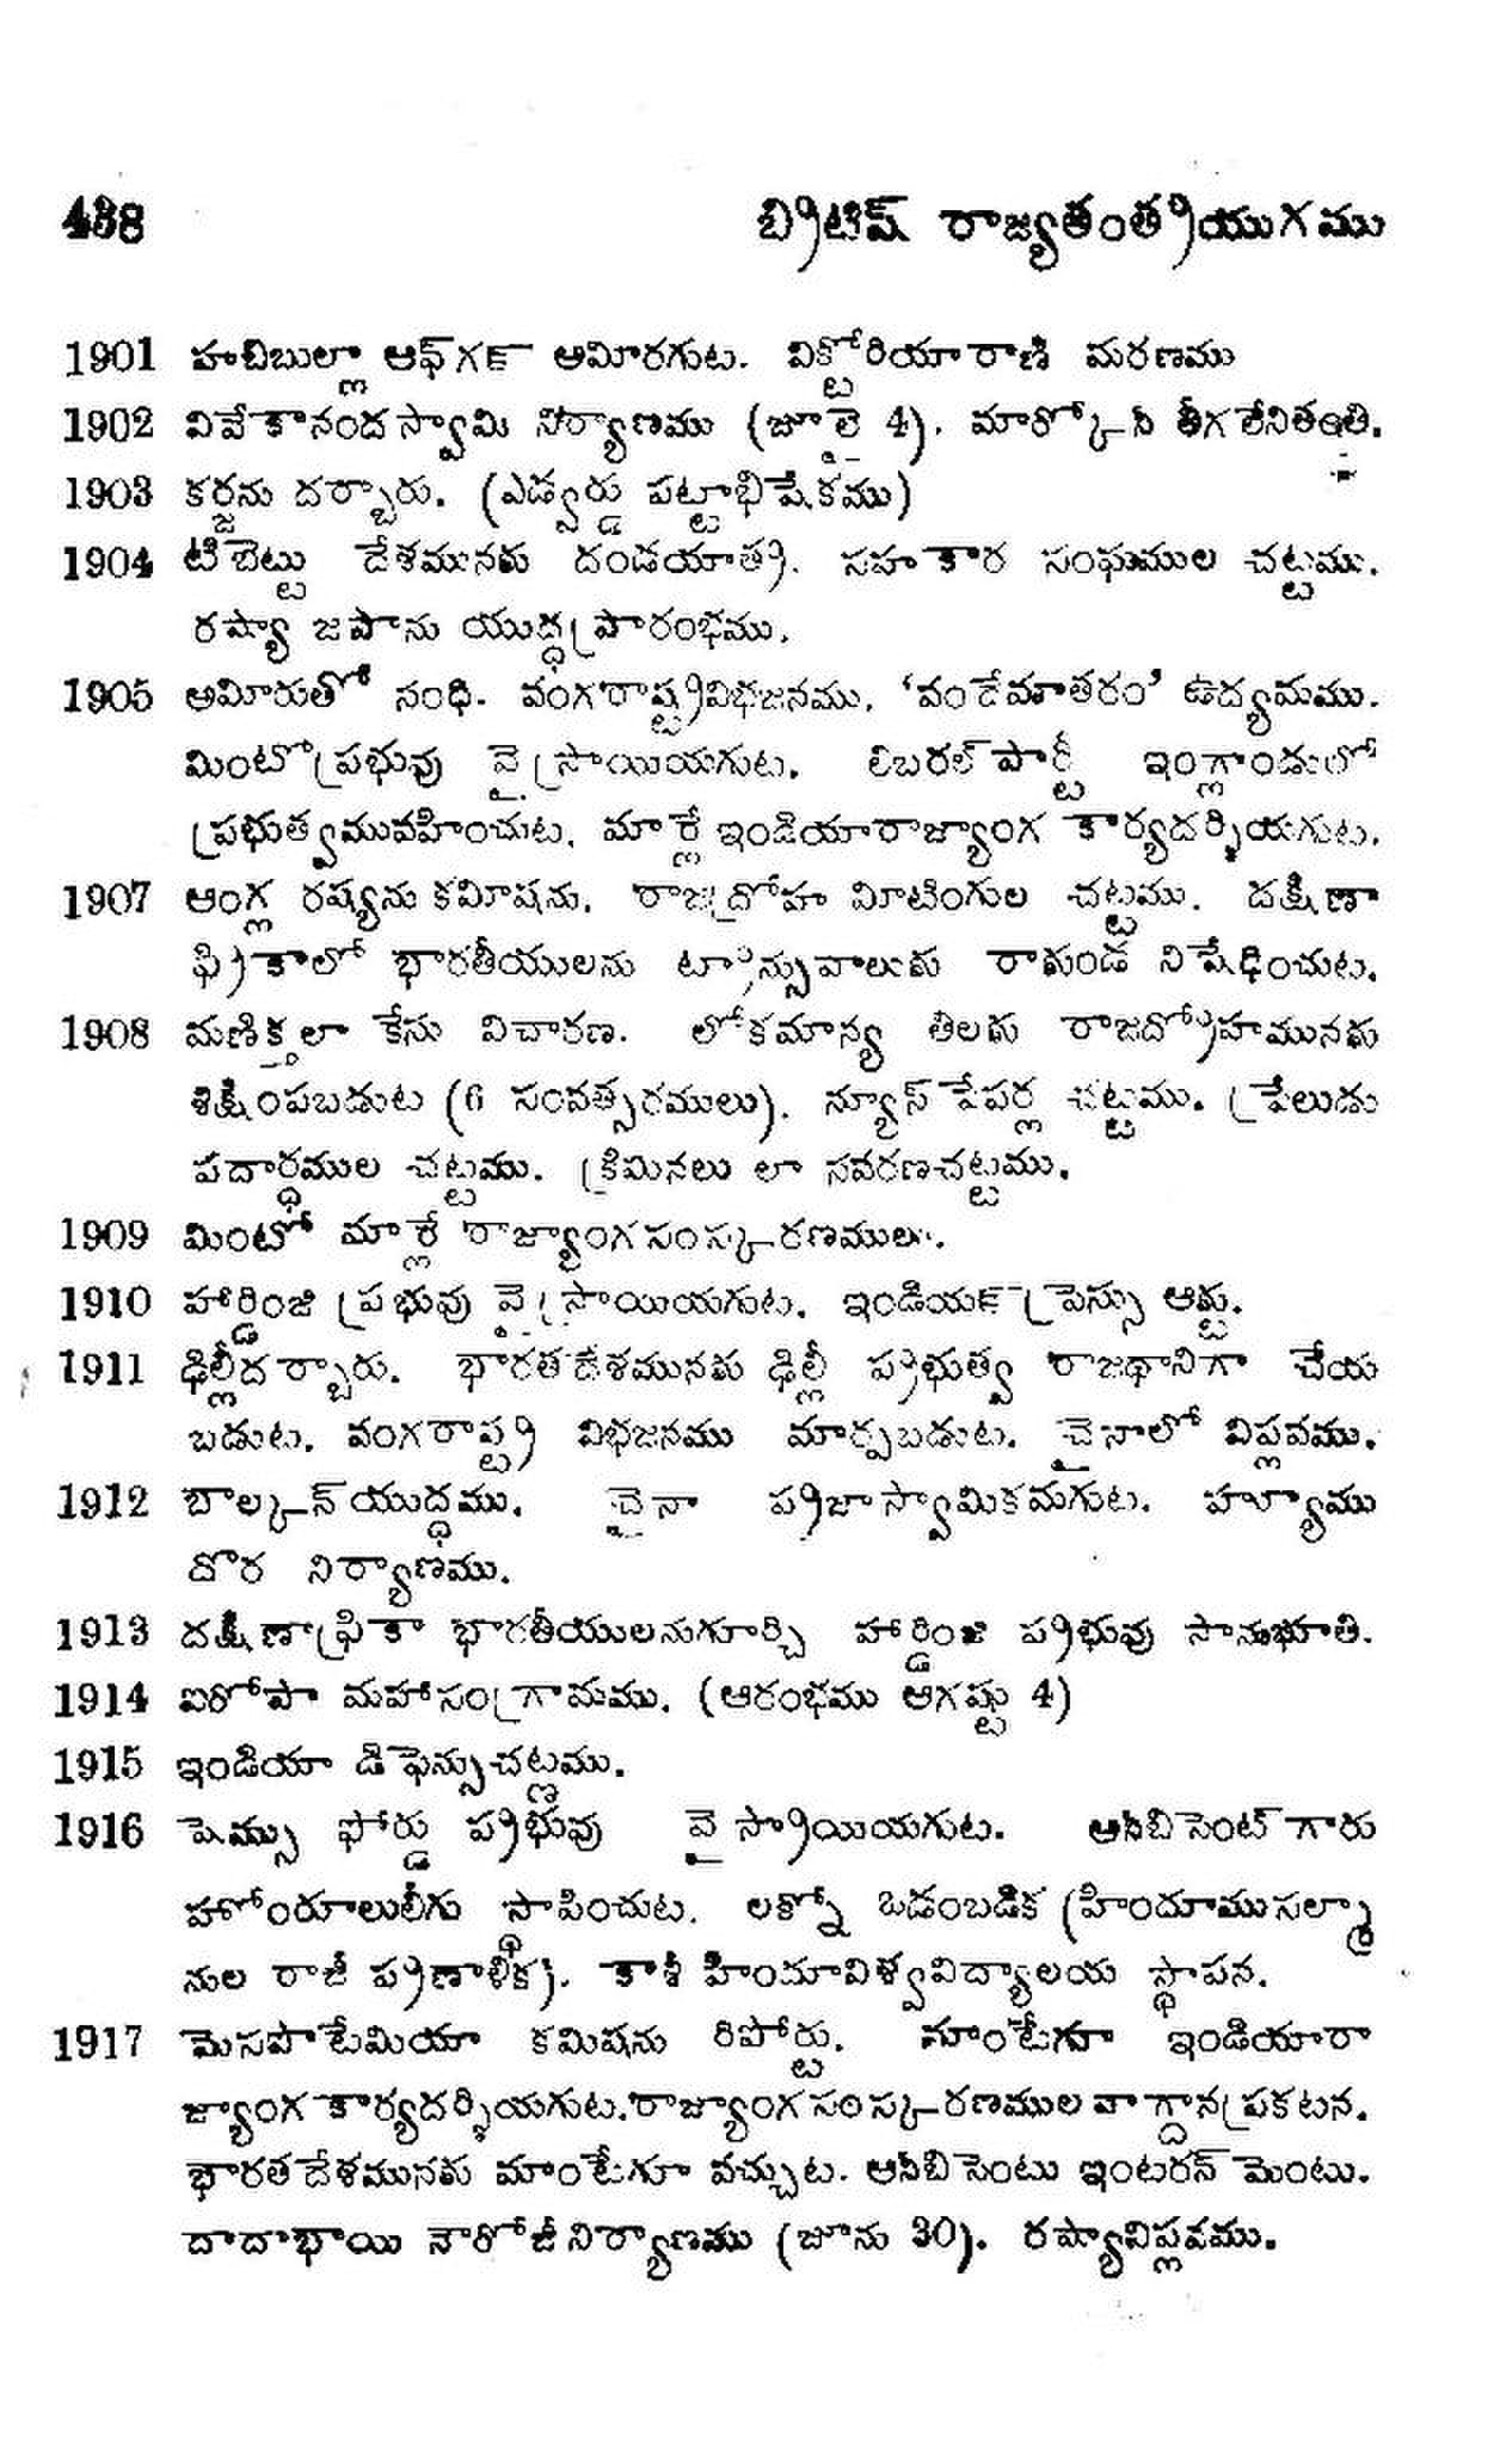1901 హబిబుల్లా ఆఫ్‌గ౯ ఆమీరగుట. విక్టోరియారాణి మరణము 

1902 వివేకానందస్వామి నిర్యాణము (జూలై 4), మార్కోనీ తీగలేనితంతి. 

1903 కర్జను దర్బారు. (ఎడ్వర్డు పట్టాభిషేకము) 

1904 టిబెట్టు దేశమునకు దండయాత్ర. సహకార సంఘముల చట్టము. రష్యా జపాను యుద్ధ ప్రారంభము. 

1905 ఆమీరుతో సంధి. వంగరాష్ట్రవిభజనము. 'వందేమాతరం' ఉద్యమము. మింటో ప్రభువు వైస్రాయియగుట, లిబరల్‌పార్టీ ఇంగ్లాండులో ప్రభుత్వమువహించుట. మార్లే ఇండియారాజ్యాంగ కార్యదర్శియగుట. 

1907 ఆంగ్ల రష్యను కమీషను. రాజుద్రోహ మీటింగుల చట్టము. దక్షిణాఫ్రికాలో భారతీయులను ట్రాన్సువాలుకు రాకుండ నిషేధించుట. 

1908 మణిక్తలా కేసు విచారణ. లోకమాన్య తిలకు రాజద్రోహమునకు శిక్షింపబడుట (6 సంవత్సరములు). న్యూస్ పేపర్ల చట్టము. ప్రేలుడు పదార్ధముల చట్టము. క్రిమినలు లా సవరణచట్టము. 

1909 మింటో మార్లే రాజ్యాంగ సంస్కరణములు. 

1910 హార్డింజి ప్రభువు వైస్రాయియగుట. ఇండియ౯ ప్రెస్సు ఆక్టు. 

1911 ఢిల్లీదర్బారు. భారతదేశమునకు ఢిల్లీ ప్రభుత్వ రాజధానిగా చేయబడుట, వంగరాష్ట్ర విభజనము మార్పబడుట. చైనాలో విప్లవము. 

1912 బాల్కన్‌యుద్ధము. చైనా ప్రజాస్వామికమగుట. హ్యూము దొర నిర్యాణము. 

1913 దక్షిణాఫ్రికా భారతీయులనుగూర్చి హార్డింజి ప్రభువు సానుభూతి. 

1914 ఐరోపా మహాసంగ్రామము, (ఆరంభము ఆగష్టు 4) 

1915 ఇండియా డిఫెన్సుచట్టము. 

1916 షెమ్సు ఫోర్టు ప్రభువు వైస్రాయియగుట. అనీబిసెంట్ గారు హోంరూలులీగు స్థాపించుట. లక్నో ఒడంబడిక (హిందూముసల్నానుల రాజీ ప్రణాళిక). కాశీ హిందూవిశ్వవిద్యాలయ స్థాపన. 

1917 మెసపొటేమియా కమిషను రిపోర్టు. మాంటేగూ ఇండియారాజ్యాంగ కార్యదర్శియగుట. రాజ్యాంగ సంస్కరణముల వాగ్దాన ప్రకటన. భారతదేశమునకు మాంటేగూ వచ్చుట. అనీబిసెంటు ఇంటరన్ మెంటు. దాదాభాయి నౌరోజీ నిర్యాణము (జూను 30). రష్యా విప్లవము.